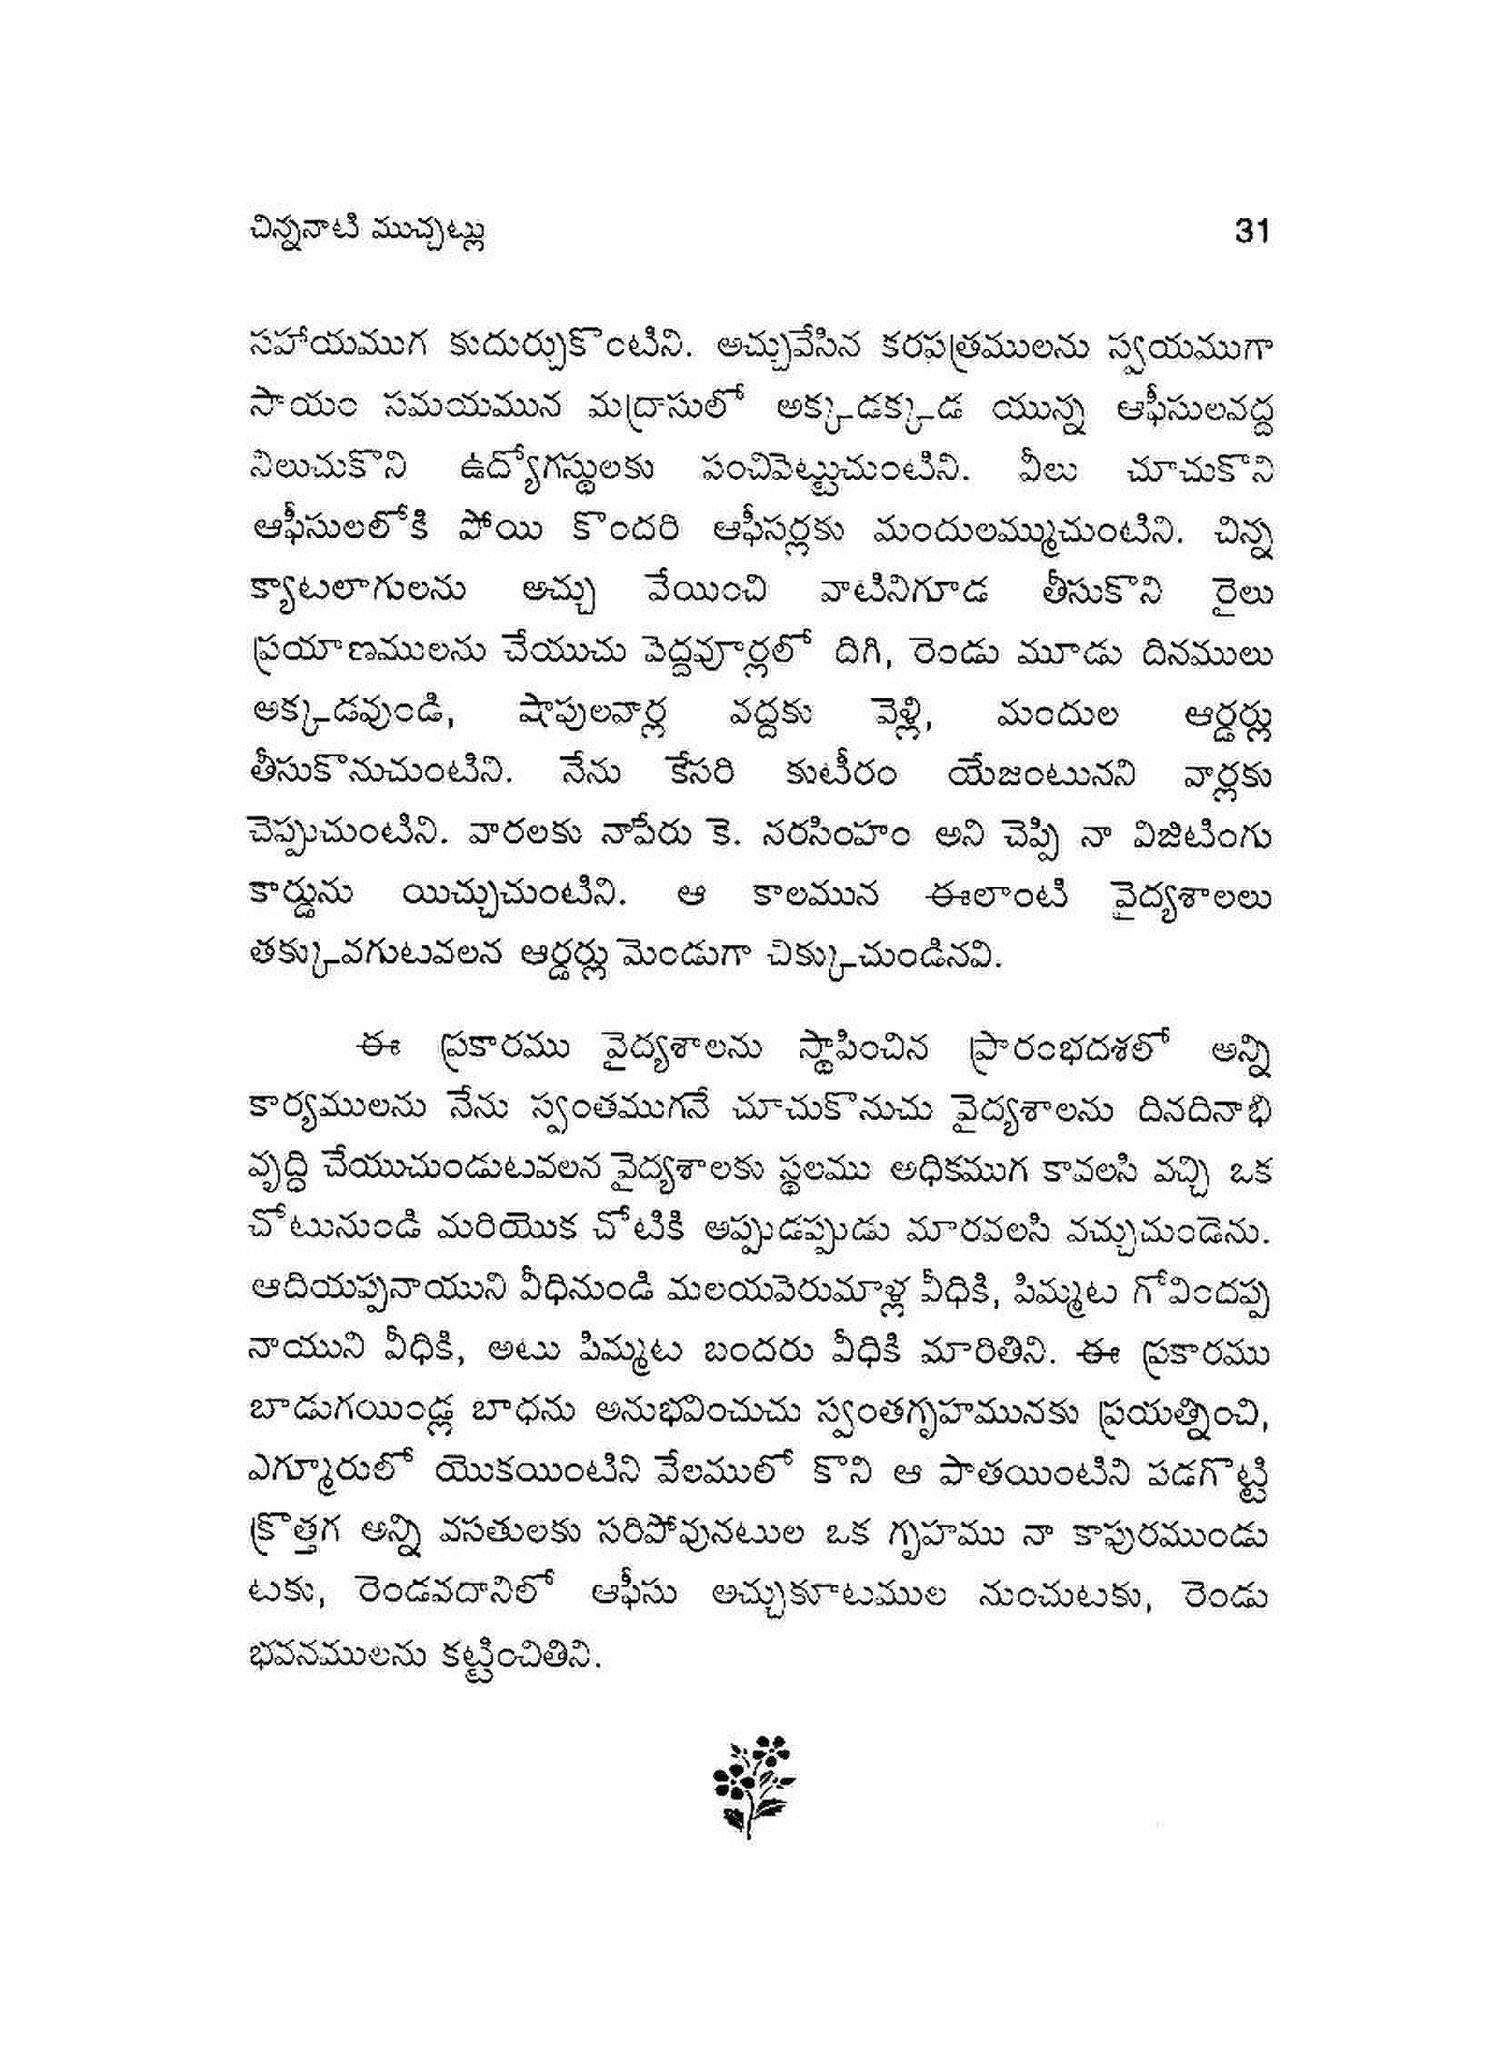సహాయముగ కుదుర్చుకొంటిని. అచ్చువేసిన కరపత్రములను స్వయముగా సాయం సమయమున మద్రాసులో అక్కడక్కడ యున్న ఆఫీసులవద్ద నిలుచుకొని ఉద్యోగస్తులకు పంచిపెట్టుచుంటిని. వీలు చూచుకొని ఆఫీసులలోకి పోయి కొందరి ఆఫీసర్లకు మందులమ్ముచుంటిని. చిన్న క్యాటలాగులను అచ్చు వేయించి వాటినిగూడ తీసుకొని రైలు ప్రయాణములను చేయుచు పెద్దవూర్లలో దిగి, రెండు మూడు దినములు అక్కడవుండి, షాపులవార్ల వద్దకు వెళ్లి, మందుల ఆర్డర్లు తీసుకొనుచుంటిని. నేను కేసరి కుటీరం యేజంటునని వార్లకు చెప్పచుంటిని. వారలకు నాపేరు కె. నరసింహం అని చెప్పి నా విజిటింగు కార్డును యిచ్చుచుంటిని. ఆ కాలమున ఈలాంటి వైద్యశాలలు తక్కువగుటవలన ఆర్డర్లు మెండుగా చిక్కుచుండినవి.

ఈ ప్రకారము వైద్యశాలను స్థాపించిన ప్రారంభదశలో అన్ని కార్యములను నేను స్వంతముగనే చూచుకొనుచు వైద్యశాలను దినదినాభివృద్ధి చేయుచుండుటవలన వైద్యశాలకు స్థలము అధికముగ కావలసి వచ్చి ఒక చోటునుండి మరియొక చోటికి అప్పుడప్పుడు మారవలసి వచ్చుచుండెను. ఆదియప్పనాయుని వీధినుండి మలయపెరుమాళ్ల వీధికి, పిమ్మట గోవిందప్ప నాయుని వీధికి, అటు పిమ్మట బందరు వీధికి మారితిని. ఈ ప్రకారము బాడుగయిండ్ల బాధను అనుభవించుచు స్వంతగృహమునకు ప్రయత్నించి, ఎగ్మూరులో యొకయింటిని వేలములో కొని ఆ పాతయింటిని పడగొట్టి క్రొత్తగ అన్ని వసతులకు సరిపోవునటుల ఒక గృహము నా కాపురముండుటకు, రెండవదానిలో ఆఫీసు అచ్చుకూటముల నుంచుటకు, రెండు భవనములను కట్టించితిని.